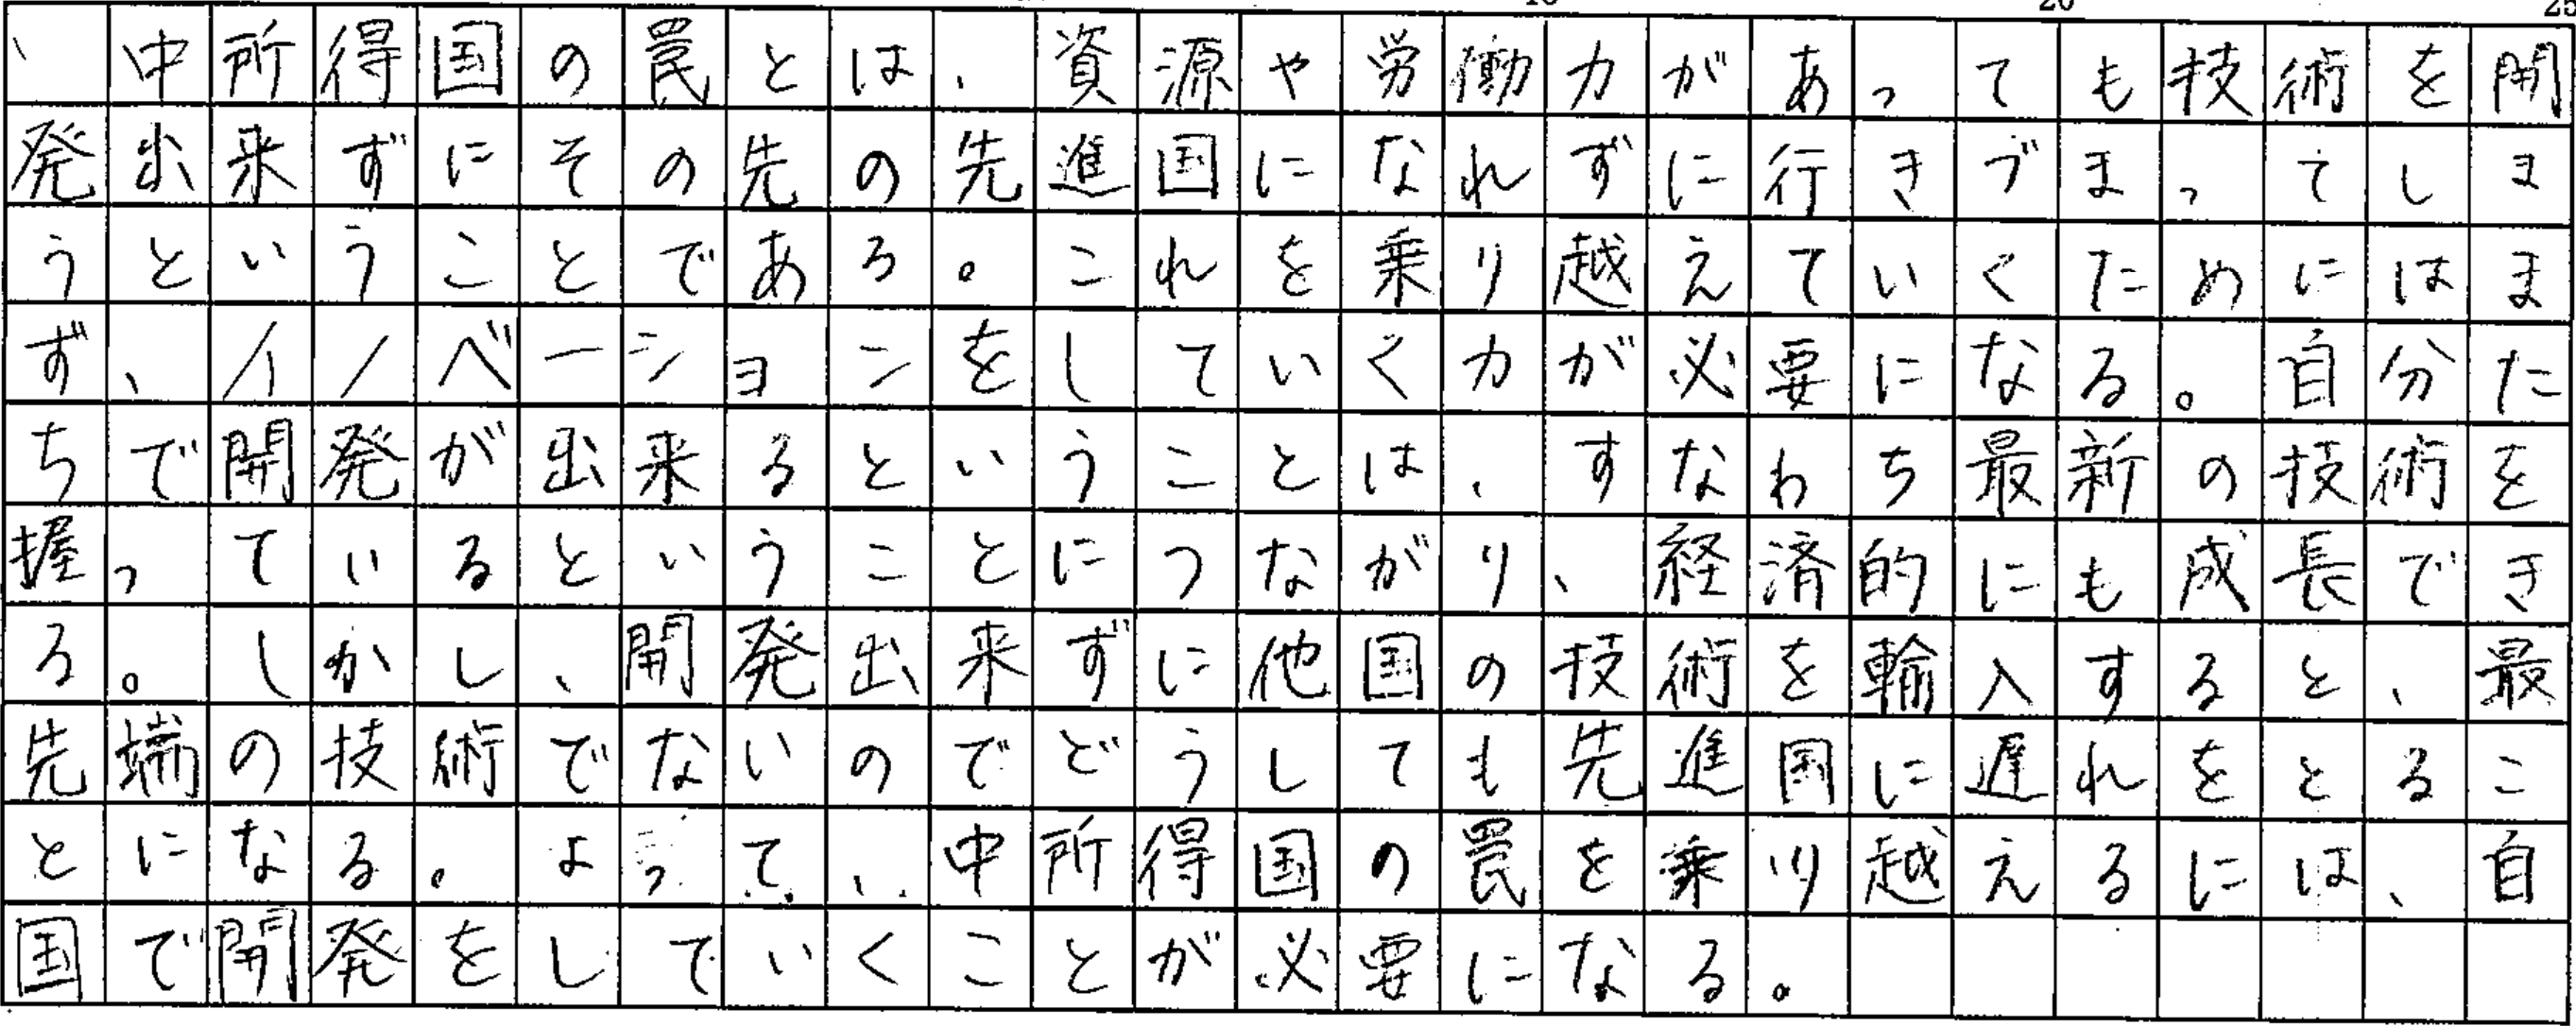　中所得国の罠とは、資源や労働力があっても技術を開発出来ずにその先の先進国になれずに行きづまってしまうということである。これを乗り越えていくためにはまず、イノベーションをしていく力が必要になる。自分たちで開発が出来るということは、すなわち最新の技術を握っているということにつながり、経済的にも成長できる。しかし、開発出来ずに他国の技術を輸入すると、最先端の技術でないのでどうしても先進国に遅れをとることになる。よって、中所得国の罠を乗り越えるには、自国で開発をしていくことが必要になる。
